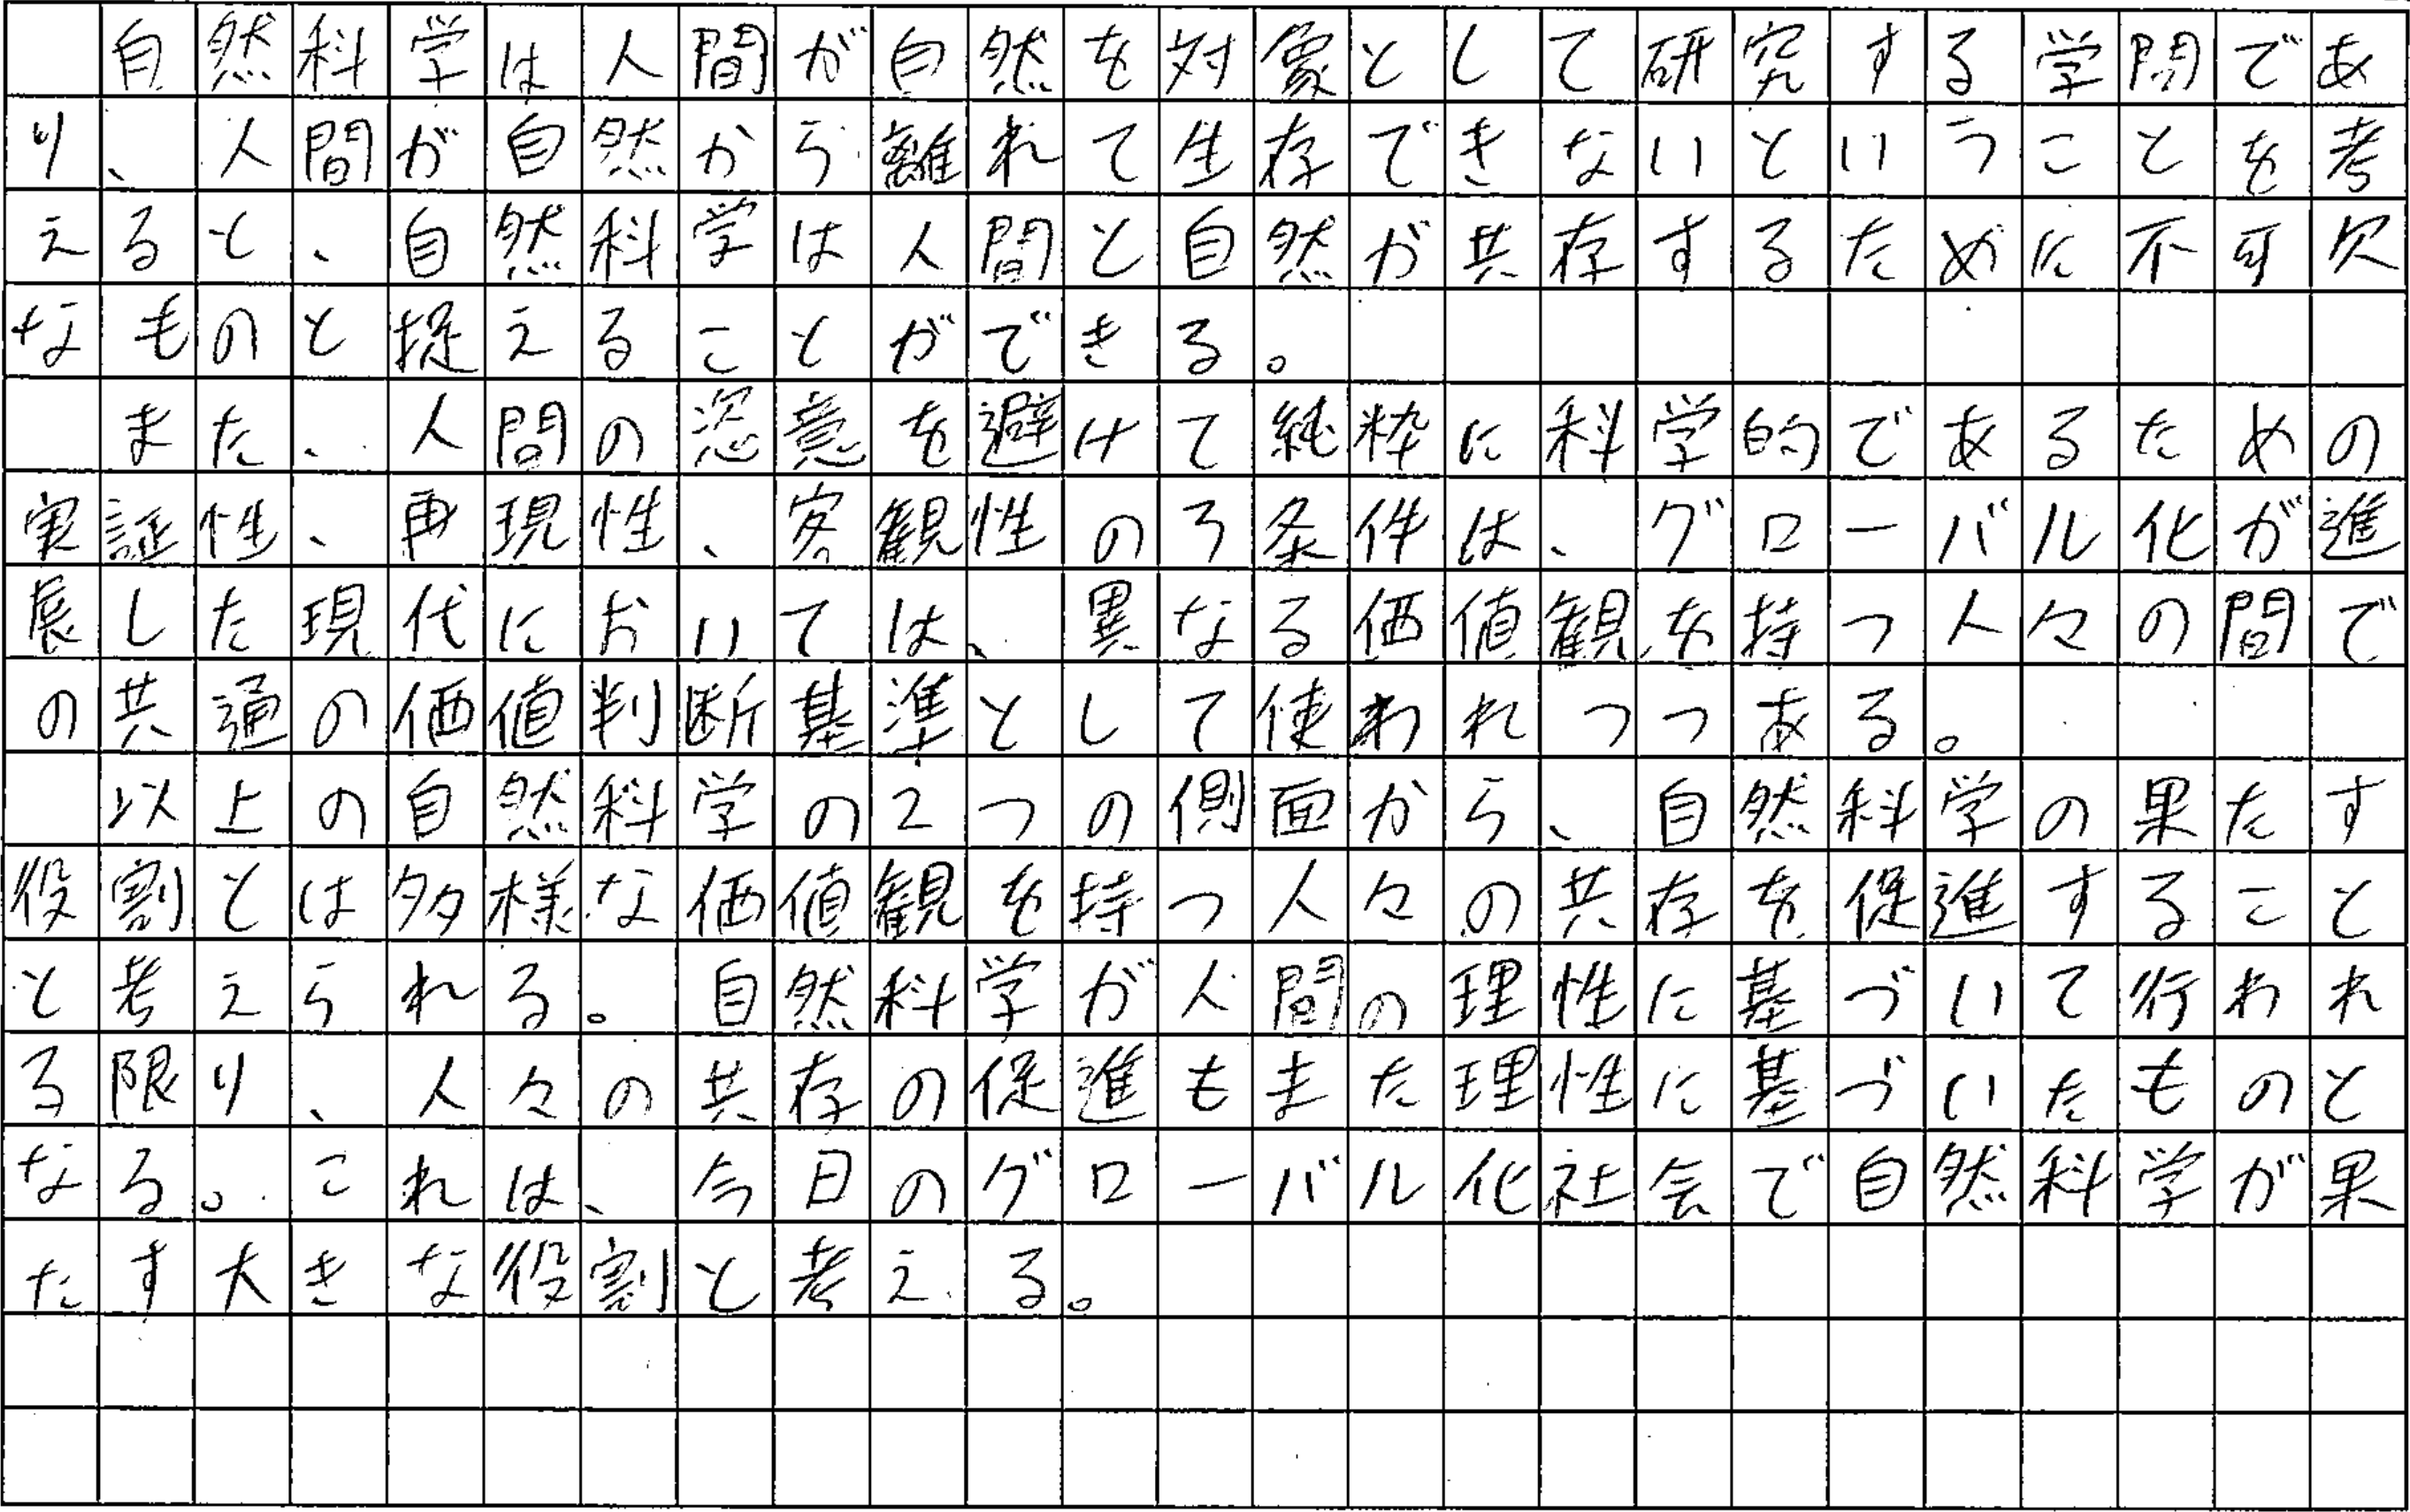　自然科学は人間が自然を対象として研究する学問であり、人間が自然から離れて生存できないということを考えると、自然科学は人間と自然が共存するために不可欠なものと捉えることができる。
　また、人間の恣意を避けて純粋に科学的であるための実証性、再現性、客観性の３条件は、グローバル化が進展した現代においては、異なる価値観を持つ人々の間での共通の価値判断基準として使われつつある。
　以上の自然科学の２つの側面から、自然科学の果たす役割とは多様な価値観を持つ人々の共存を促進することと考えられる。自然科学が人間の理性に基づいて行われる限り、人々の共存の促進もまた理性に基づいたものとなる。これは、今日のグローバル化社会で自然科学が果たす大きな役割と考える。
